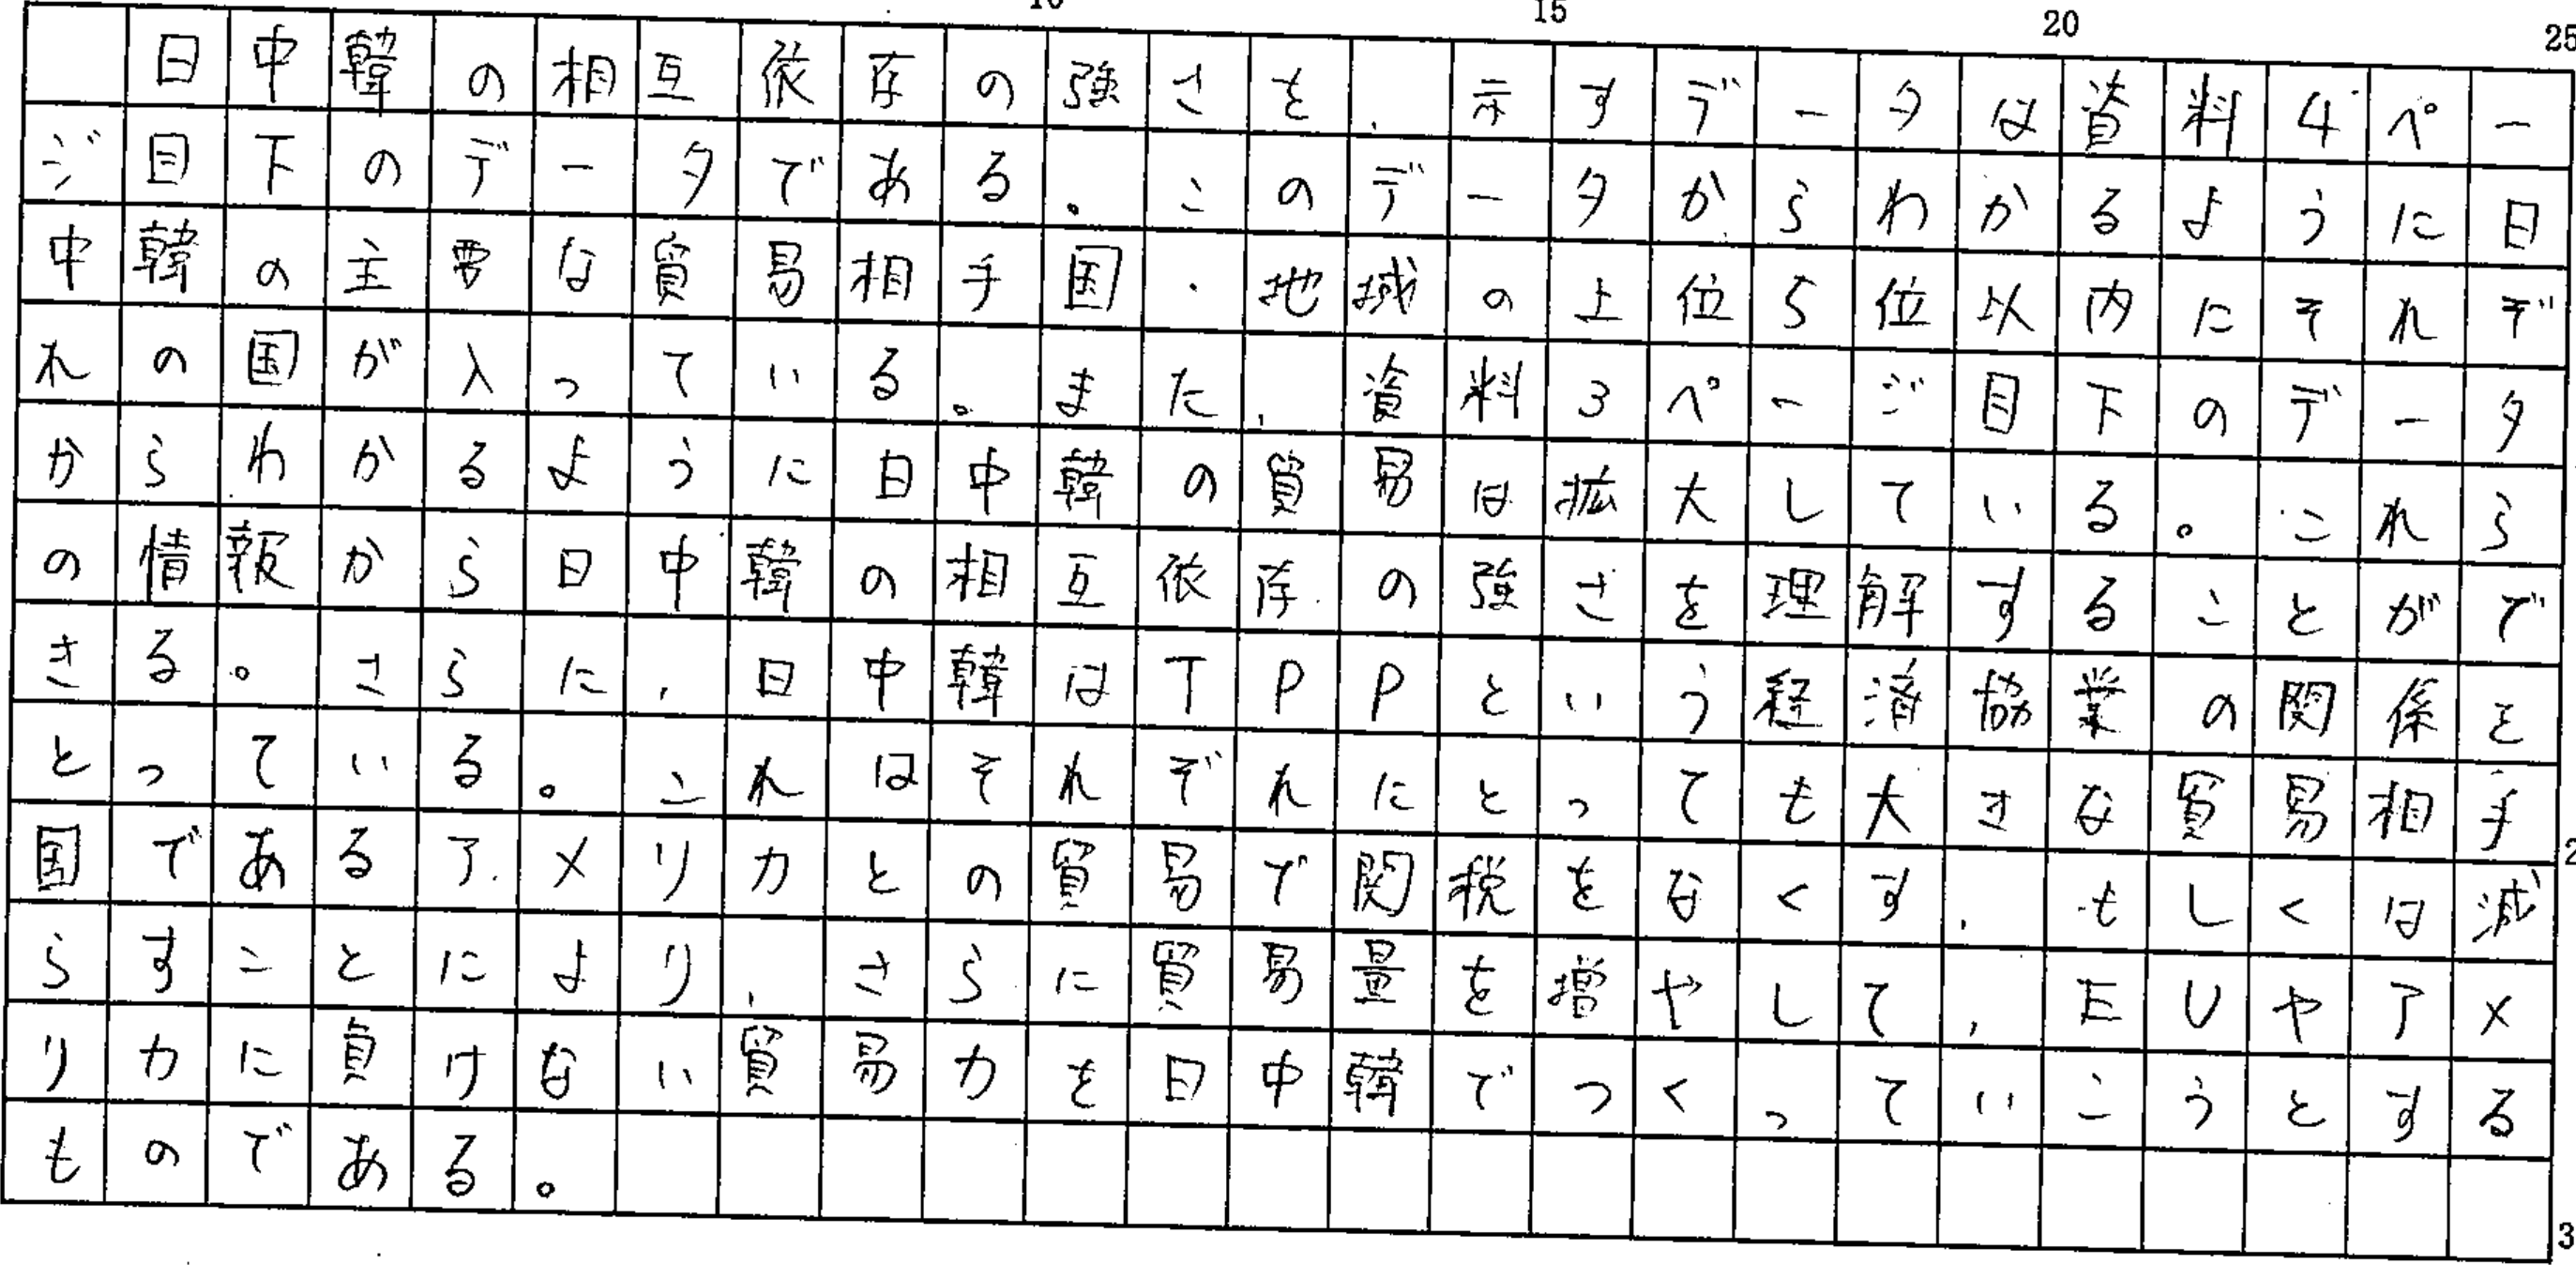　日中韓の相互依存の強さを、示すデータは資料４ページ目下のデータである。このデータからわかるように日中韓の主要な貿易相手国・地域の上位５位以内にそれぞれの国が入っている。また、資料３ページ目下のデータからわかるように日中韓の貿易は拡大している。これらの情報から日中韓の相互依存の強さを理解することができる。さらに、日中韓はＴＰＰという経済協業の関係をとっている。これはそれぞれにとっても大きな貿易相手国であるアメリカとの貿易で関税をなくす、もしくは減らすことにより、さらに貿易量を増やして、ＥＵやアメリカに負けない貿易力を日中韓でつくっていこうとするものである。
